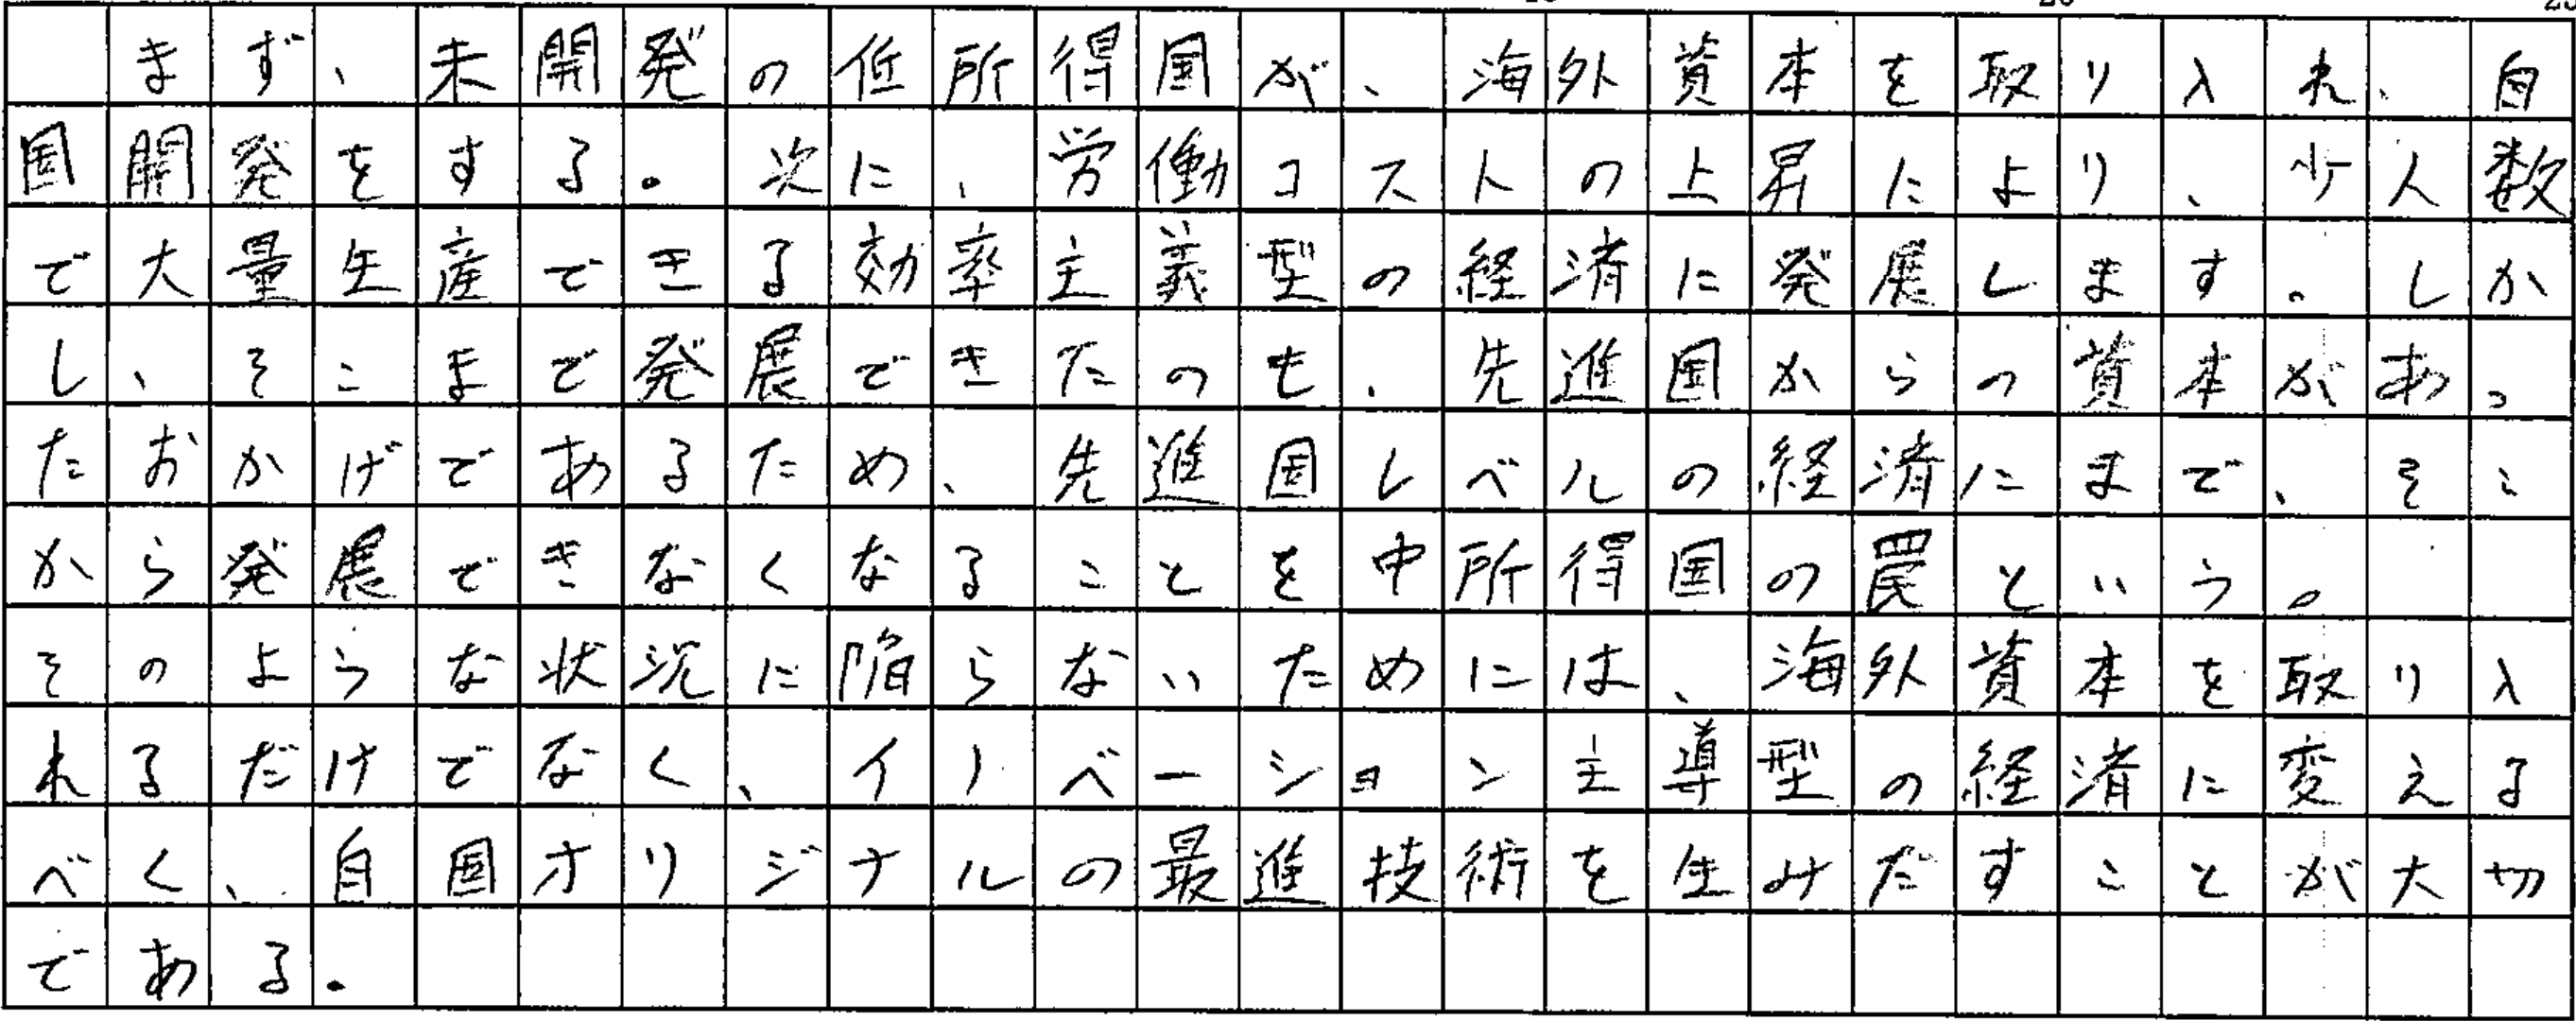　まず、未開発の低所得国が、海外資本を取り入れ、自国開発をする。次に、労働コストの上昇により、少人数で大量生産できる効率主義型の経済に発展します。しかし、そこまで発展できたのも、先進国からの資本があったおかげであるため、先進国レベルの経済にまで、そこから発展できなくなることを中所得国の罠という。
そのような状況に陥らないためには、海外資本を取り入れるだけでなく、イノベーション主導型の経済に変えるべく、自国オリジナルの最進技術を生みだすことが大切である。
